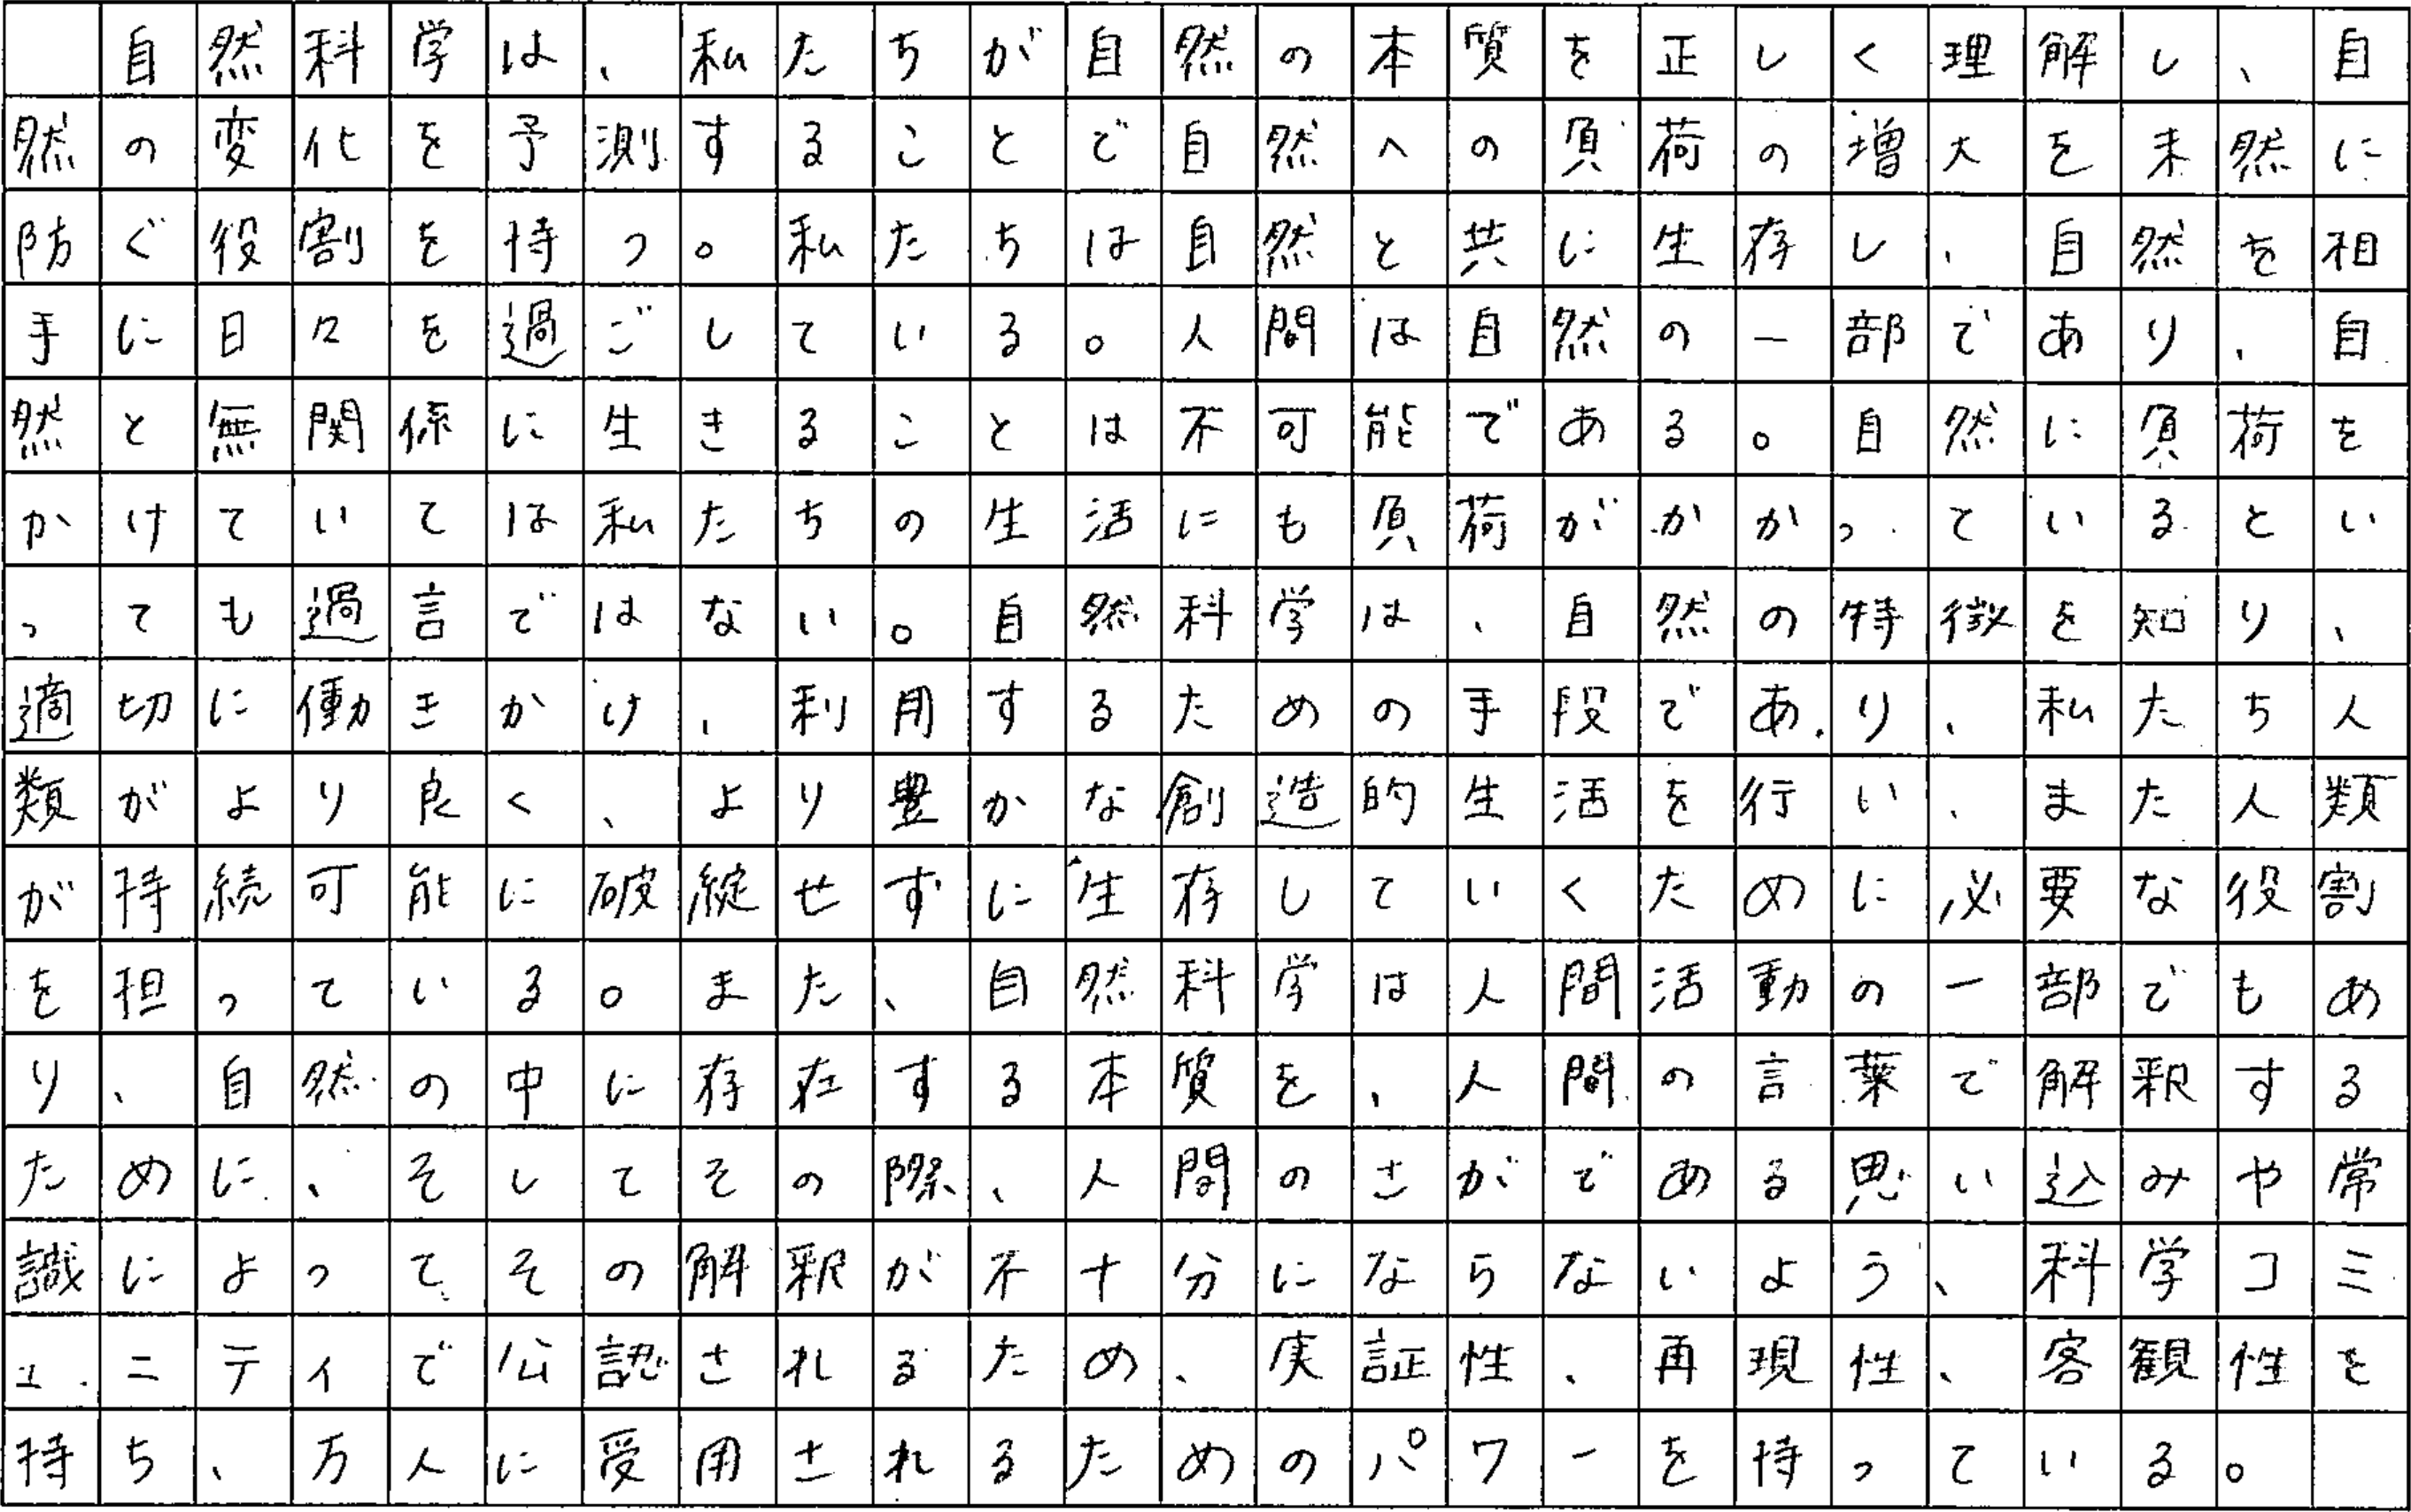　自然科学は、私たちが自然の本質を正しく理解し、自然の変化を予測することで自然への負荷の増大を未然に防ぐ役割を持つ。私たちは自然と共に生存し、自然を相手に日々を過ごしている。人間は自然の一部であり、自然と無関係に生きることは不可能である。自然に負荷をかけていては私たちの生活にも負荷がかかっているといっても過言ではない。自然科学は、自然の特徴を知り、適切に働きかけ、利用するための手段であり、私たち人類がより良く、より豊かな創造的生活を行い、また人類が持続可能に破綻せずに生存していくために必要な役割を担っている。また、自然科学は人間活動の一部でもあり、自然の中に存在する本質を、人間の言葉で解釈するために、そしてその際、人間のさがである思い込みや常識によってその解釈が不十分にならないよう、科学コミュニティで公認されるため、実証性、再現性、客観性を持ち、万人に受用されるためのパワーを持っている。
